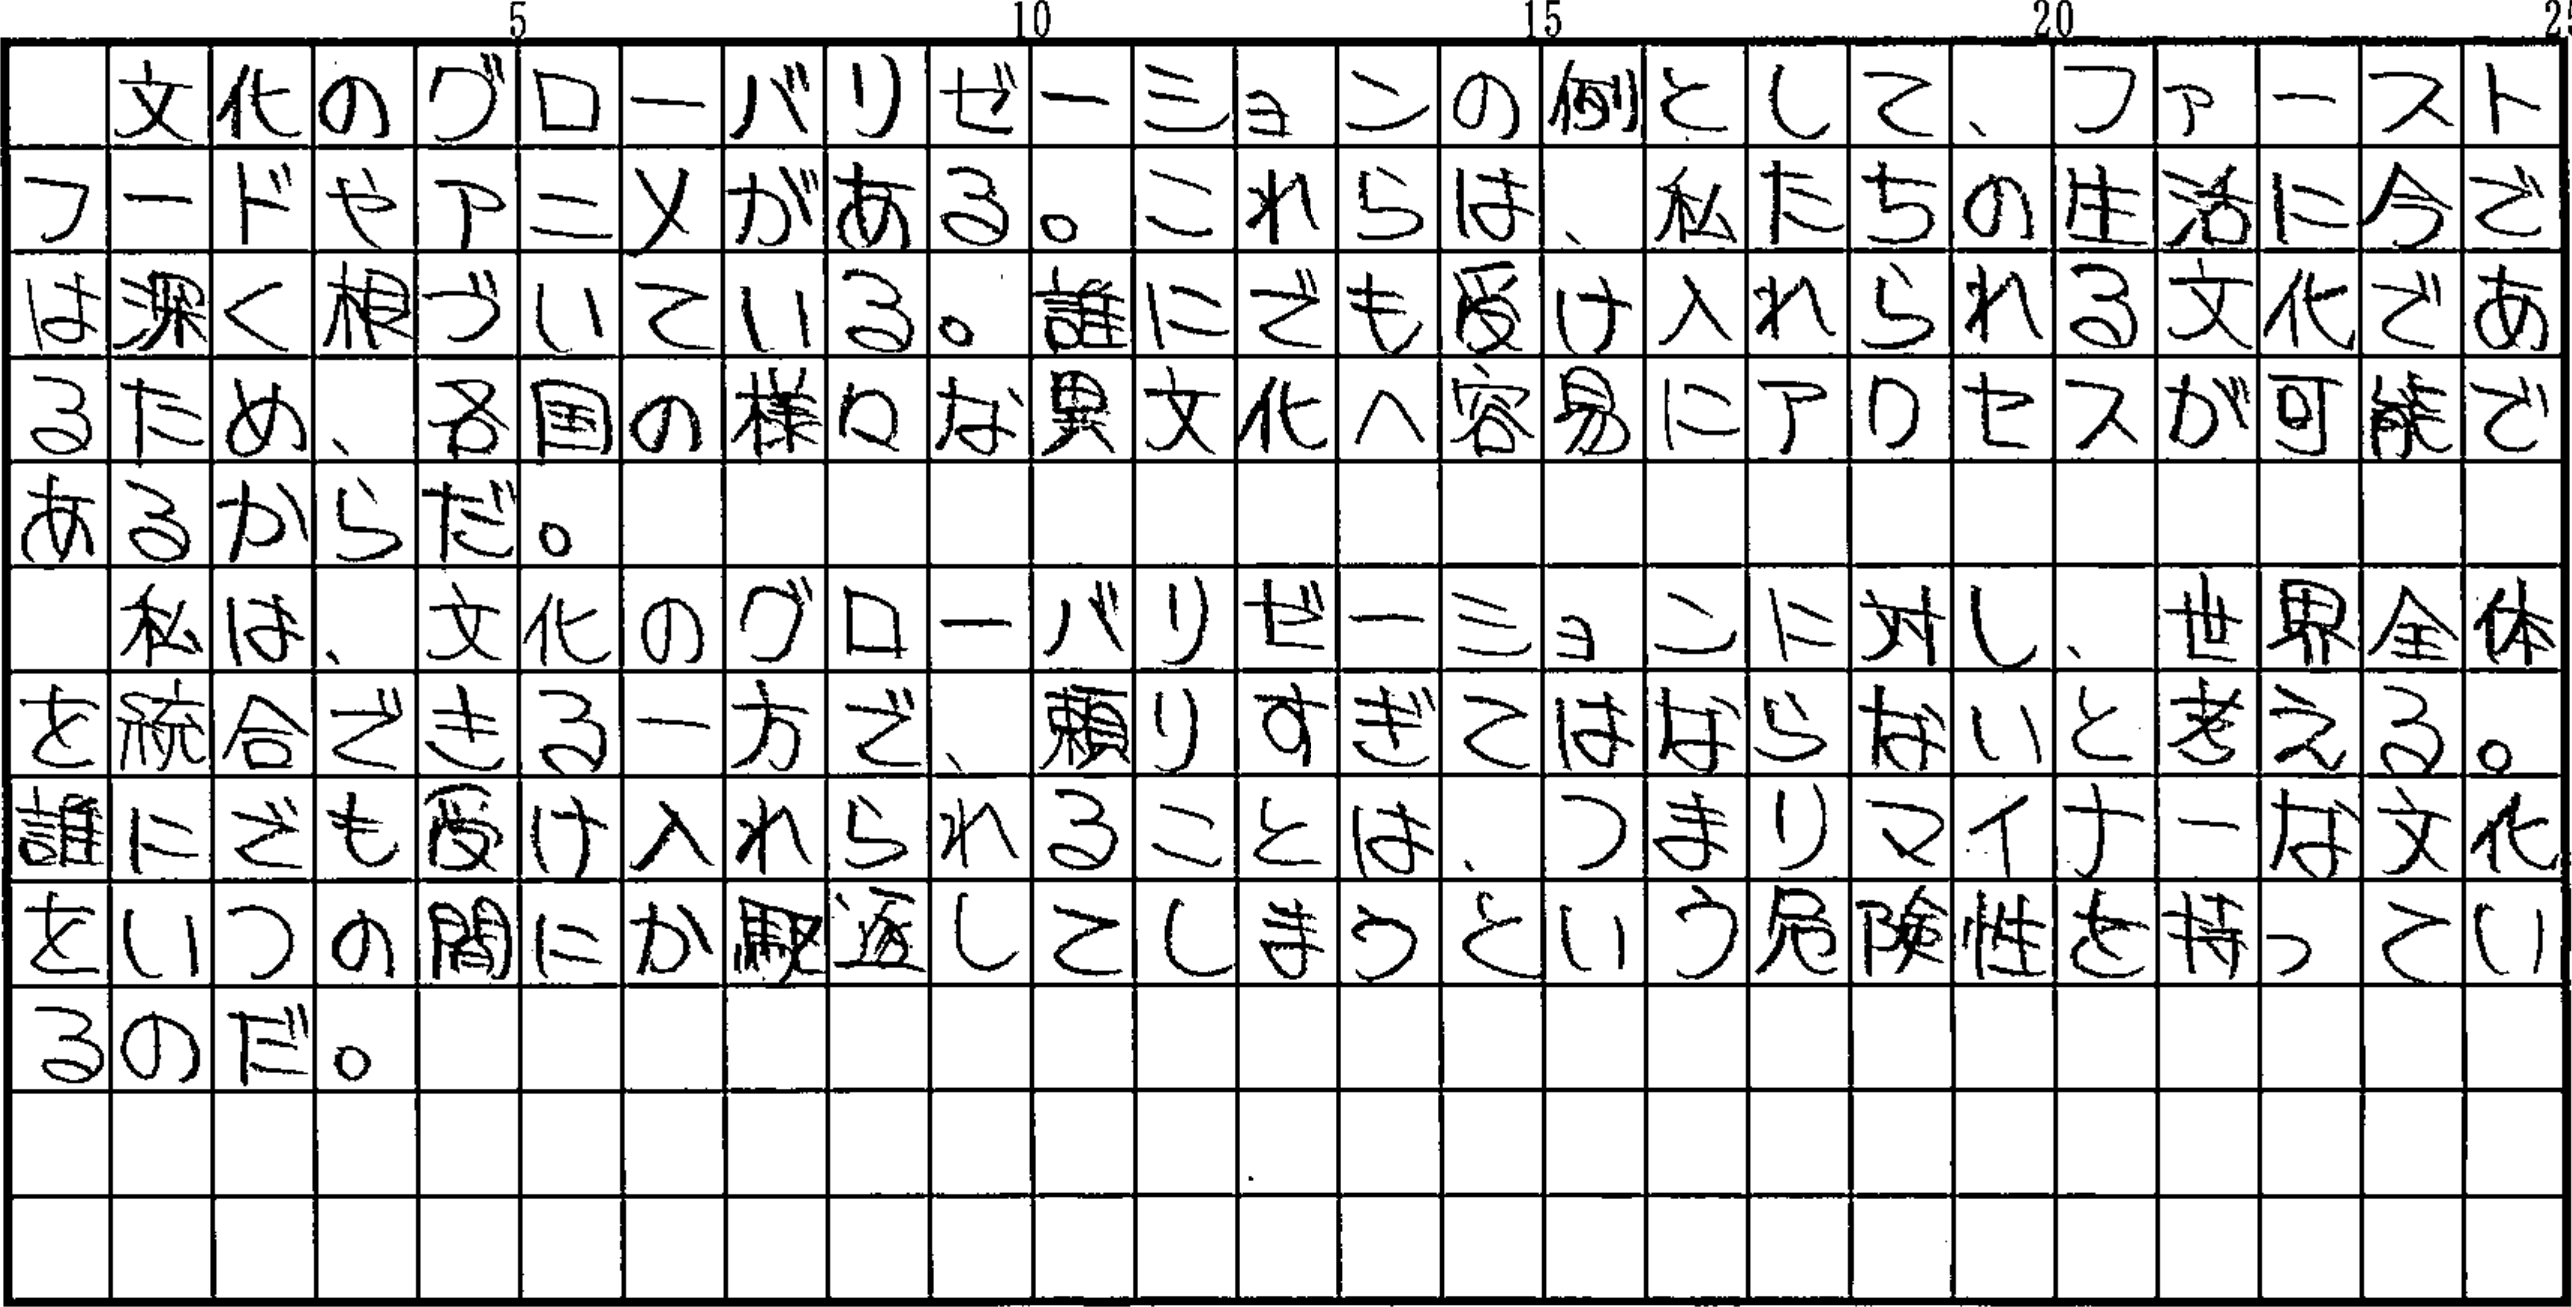　文化のグローバリゼーションの例として、ファーストフードやアニメがある。これらは、私たちの生活に今では深く根づいている。誰にも受け入れられる文化であるため、各国の様々な異文化へ容易にアクセスが可能であるからだ。
　私は、文化のグローバリゼーションに対し、世界全体を統合できる一方で、頼りすぎてはならないと考える。誰にでも受け入れられることは、つまりマイナーな文化をいつの間にか駆逐してしまうという危険性を持っているのだ。
